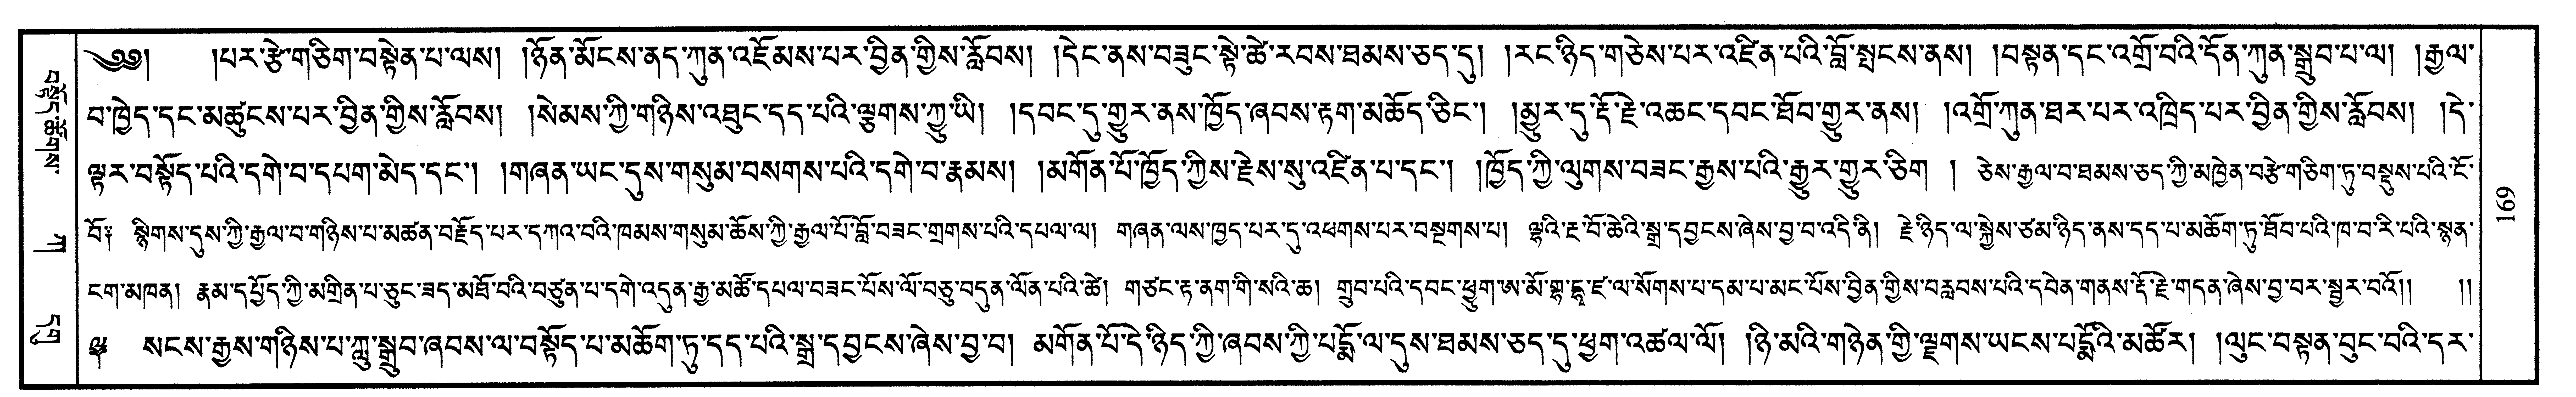༄༅། །པར་རྩེ་གཅིག་བསྟེན་པ་ལས། །ཉོན་མོངས་ནད་ཀུན་འཇོམས་པར་བྱིན་གྱིས་རློབས། །དེང་ནས་བཟུང་སྟེ་ཚེ་རབས་ཐམས་ཅད་དུ། །རང་ཉིད་གཅེས་པར་འཛིན་པའི་བློ་སྤངས་ནས། །བསྟན་དང་འགྲོ་བའི་དོན་ཀུན་སྒྲུབ་པ་ལ། །རྒྱལ་
བ་ཁྱེད་དང་མཚུངས་པར་བྱིན་གྱིས་རློབས། །སེམས་ཀྱི་གཉིས་འཐུང་དད་པའི་ལྕགས་ཀྱུ་ཡི། །དབང་དུ་གྱུར་ནས་ཁྱོད་ཞབས་རྟག་མཆོད་ཅིང་། །མྱུར་དུ་རྡོ་རྗེ་འཆང་དབང་ཐོབ་གྱུར་ནས། །འགྲོ་ཀུན་ཐར་པར་འཁྲིད་པར་བྱིན་གྱིས་རློབས། །དེ་
ལྟར་བསྟོད་པའི་དགེ་བ་དཔག་མེད་དང་། །གཞན་ཡང་དུས་གསུམ་བསགས་པའི་དགེ་བ་རྣམས། །མགོན་པོ་ཁྱོད་ཀྱིས་རྗེས་སུ་འཛིན་པ་དང་། །ཁྱོད་ཀྱི་ལུགས་བཟང་རྒྱས་པའི་རྒྱུར་གྱུར་ཅིག །ཅེས་རྒྱལ་བ་ཐམས་ཅད་ཀྱི་མཁྱེན་བརྩེ་གཅིག་ཏུ་བསྡུས་པའི་ངོ་
བོ༑ སྙིགས་དུས་ཀྱི་རྒྱལ་བ་གཉིས་པ་མཚན་བརྗོད་པར་དཀའ་བའི་ཁམས་གསུམ་ཆོས་ཀྱི་རྒྱལ་པོ་བློ་བཟང་གྲགས་པའི་དཔལ་ལ། །གཞན་ལས་ཁྱད་པར་དུ་འཕགས་པར་བསྔགས་པ། ལྷའི་རྔ་བོ་ཆེའི་སྒྲ་དབྱངས་ཞེས་བྱ་བ་འདི་ནི། རྗེ་ཉིད་ལ་སྐྱེས་ཙམ་ཉིད་ནས་དད་པ་མཆོག་ཏུ་ཐོབ་པའི་ཁ་བ་རི་པའི་སྙན་
ངག་མཁན། རྣམ་དཔྱོད་ཀྱི་མགྲིན་པ་ཅུང་ཟད་མཐོ་བའི་བཙུན་པ་དགེ་འདུན་རྒྱ་མཚོ་དཔལ་བཟང་པོས་ལོ་བཅུ་བདུན་ལོན་པའི་ཚེ། གཙང་རྟ་ནག་གི་སའི་ཆ། གྲུབ་པའི་དབང་ཕྱུག་ཨ་མོ་གྷ་དྷྭ་ཛ་ལ་སོགས་པ་དམ་པ་མང་པོས་བྱིན་གྱིས་བརླབས་པའི་དབེན་གནས་རྡོ་རྗེ་གདན་ཞེས་བྱ་བར་སྦྱར་བའོ།། །།
༈ སངས་རྒྱས་གཉིས་པ་ཀླུ་སྒྲུབ་ཞབས་ལ་བསྟོད་པ་མཆོག་ཏུ་དད་པའི་སྒྲ་དབྱངས་ཞེས་བྱ་བ། མགོན་པོ་དེ་ཉིད་ཀྱི་ཞབས་ཀྱི་པདམོ་ལ་དུས་ཐམས་ཅད་དུ་ཕྱག་འཚལ་ལོ། །ཉི་མའི་གཉེན་གྱི་ལྗགས་ཡངས་པདམོའི་མཚོར། །ལུང་བསྟན་བུང་བའི་དར་